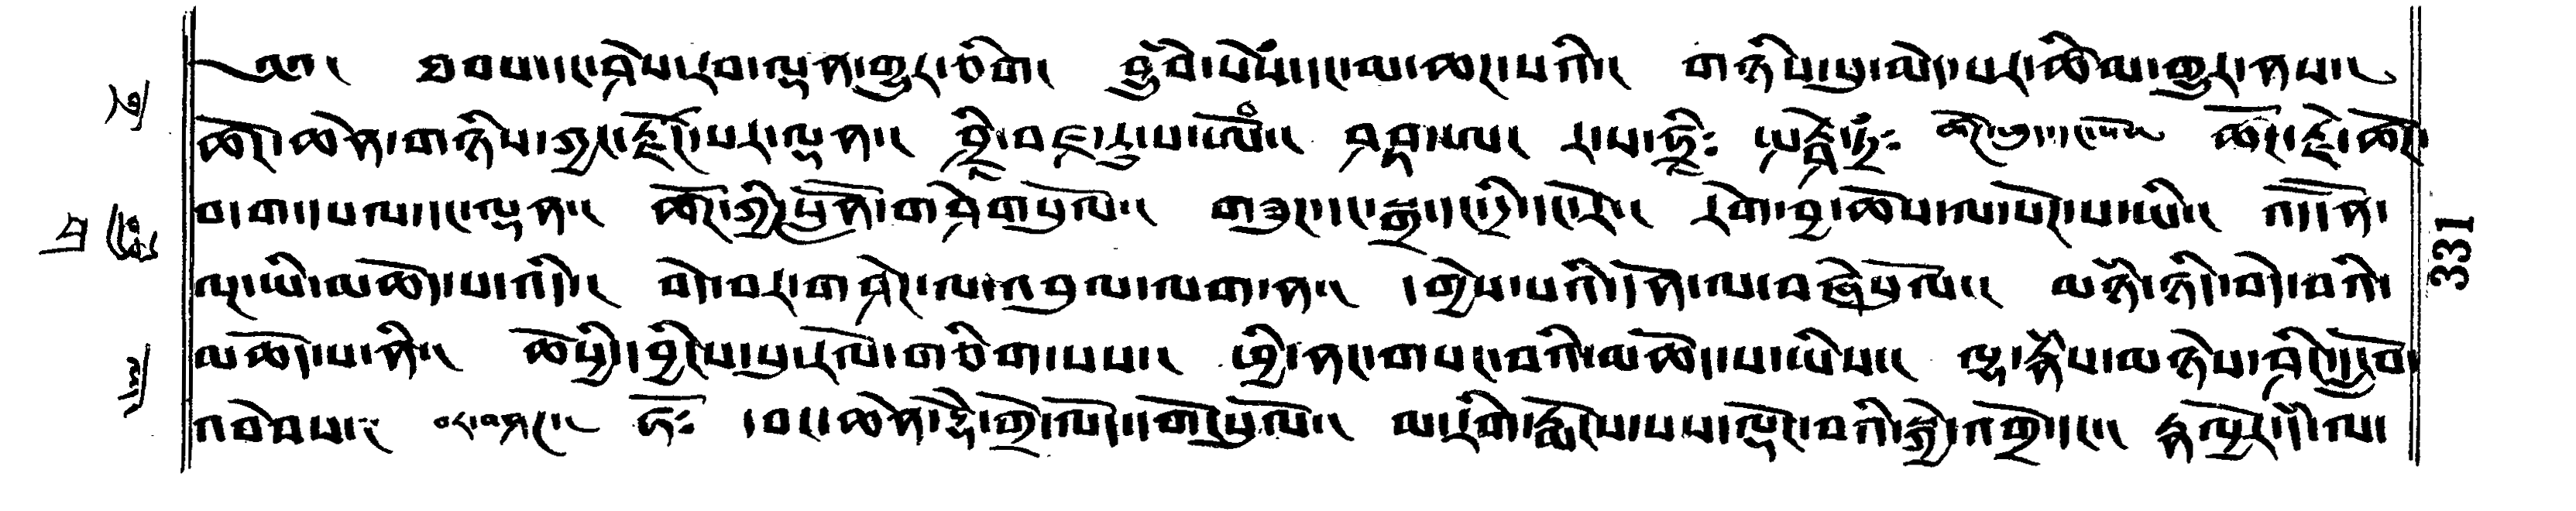ཐབས་དང་ཤེས་རབ་ལྡན་གྱུར་ཅིག །བྱང་ཆུབ་སེམས་དང་མཆགས་པའི། །གཉིས་སུ་མེད་པར་ཚིམ་གྱུར་ནས། །
ཚོགས་ཆེན་གཉིས་ཀྱང་རྫོགས་པར་ལྡན། ཤྲཱི་བཛྲ་རུ་པ་ཨོཾ། ཤབྟ་ཨ། ར་ས་ཧྲཱིཿ སྤརྴེ་ཏྲཾཿ ཚོགས་ཕུད་དང་པོ། ཚོགས་རྗེ་ཚོགས་
བདག་དཔལ་དང་ལྡན། །ཚོགས་ཀྱི་སློབ་དཔོན་གཤེགས་སུ་གསོལ། །གཟུགས་དང་སྒྲ་དང་དྲི་དང་རོ། །རེག་བྱ་ཆོས་ལ་སོགས་པ་ཡི། །འདོད་ཡོན་
ལྔ་ཡི་མཆོད་པ་འདི། །བདེ་བར་གཤེགས་ལ་འབུལ་ལག་ན། །དགྱེས་པའི་དོན་ལ་བཞེས་སུ་གསོལ། །མཉམ་ཉིད་བདེ་བའི་
མཆོད་པ་ནི། །ཆོས་ཀྱི་དབྱིངས་སུ་རོ་གཅིག་པས། །ཕྱི་ནང་གསང་བའི་མཆོད་པ་ཡིས། །ལྷ་རྣམས་མཉེས་ཤིང་དངོས་གྲུབ་
འབེབས། བར་བཤགས། ཧོཿ དབང་ཆེན་རྡོ་རྗེ་གྲོ་ལོད་དགོངས་སུ་གསོལ། །མ་རིག་རྨོངས་པས་ལྡོང་བའི་སྐྱེ་འགྲོ་དང་། །རྣལ་འབྱོར་དམ་ལ་